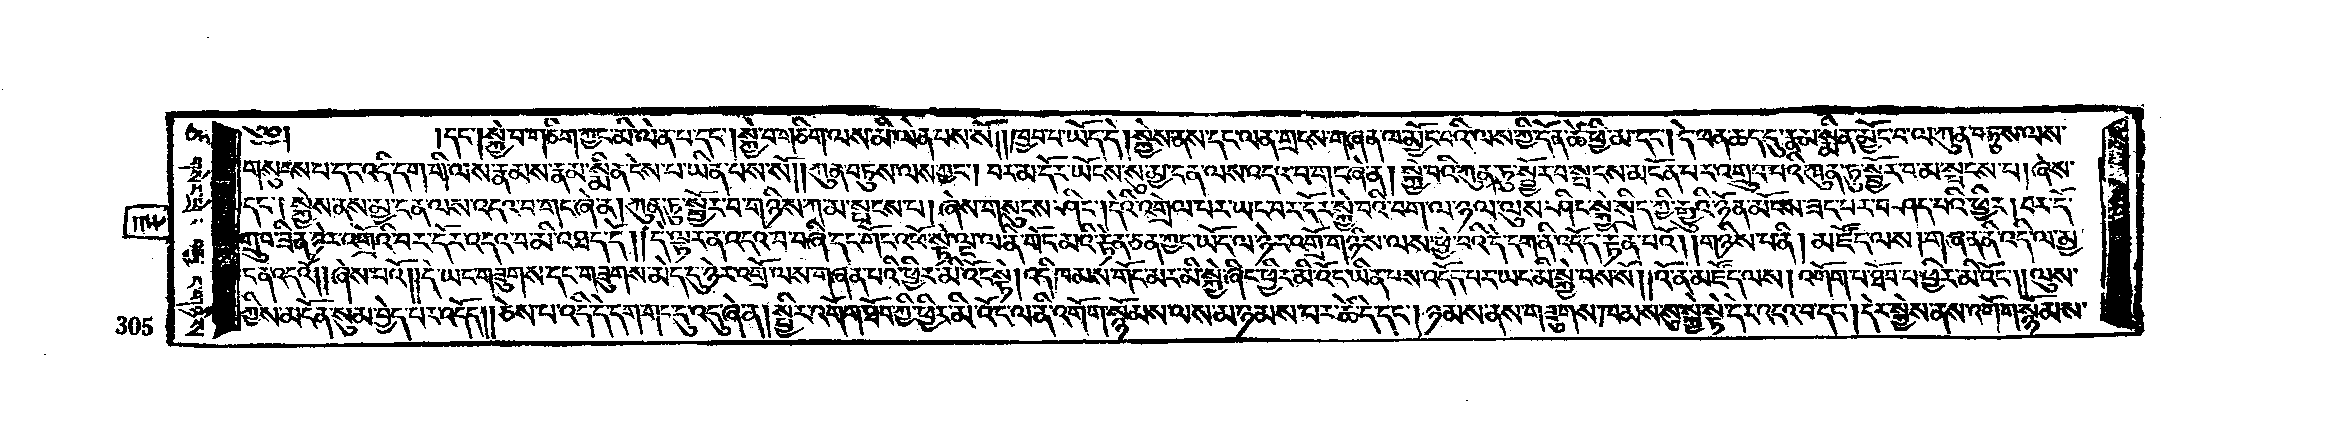༄༅། །དང་། སྐྱེ་བ་གཅིག་ཀྱང་མི་ལེན་པ་དང་། སྐྱེ་བ་གཅིག་ལས་མི་ལེན་པས་སོ། །ཁྱབ་པ་ཡོད་དེ། སྐྱེས་ནས་དང་ལན་གྲངས་གཞན་ལ་མྱོང་བའི་ལས་ཀྱི་དོན་ཚེ་ཕྱི་མ་དང་། དེ་ཕན་ཆད་དུ་རྣམ་སྨིན་མྱོང་བ་ལ་ཀུན་བཏུས་ལས་
གསུངས་པ་དང་འདི་དག་གི་ལས་རྣམས་རྣམ་སྨིན་ངེས་པ་ཡིན་པས་སོ། །ཀུན་བཏུས་ལས་ཀྱང་། བར་མ་དོར་ཡོངས་སུ་མྱ་ངན་ལས་འདའ་བ་གང་ཞེ་ན། སྐྱེ་བའི་ཀུན་ཏུ་སྦྱོར་བ་སྤངས་མངོན་པར་འགྲུབ་པའི་ཀུན་ཏུ་སྦྱོར་བ་མ་སྤངས་པ་ཞེས་
དང༑ སྐྱེས་ནས་མྱ་ངན་ལས་འདའ་བ་གང་ཞེ་ན། ཀུན་ཏུ་སྦྱོར་བ་གཉིས་ཀ་མ་སྤངས་པ། ཞེས་གསུངས་ཤིང་། དེའི་འགྲེལ་པར་ཡང་བར་དོར་སྐྱེ་བའི་བག་ལ་ཉལ་ལུས་ཤིང་སྐྱེ་སྲིད་ཀྱི་རྒྱུའི་ཉོན་མོངས་ཟད་པར་བཤད་པའི་ཕྱིར། བར་དོ་
གྲུབ་ཟིན་ཉེར་འགྲོའི་བར་དོར་འདའ་བ་མི་འཐད་དོ། །དེ་ལྟར་ན་འདའ་བ་བཞི་དང་གོང་འཕོ་སྟེ་ལྔ་ལ་ནི་གོང་མའི་རྟེན་ཅན་ཀྱང་ཡོད་ལ་ཉེར་འགྲོ་གཉིས་ལས་ཕྱེ་བའི་དེ་དག་ནི་འདོད་རྟེན་པའོ། །གཉིས་པ་ནི། མཛོད་ལས། གཞན་ནི་འདི་ལ་མྱ་
ངན་འདའ། །ཞེས་པའོ། །དེ་ཡང་གཟུགས་དང་གཟུགས་མེད་དུ་ཉེར་འགྲོ་ལས་གཞན་པའི་ཕྱིར་མི་འོང་སྟེ། འདི་ཁམས་གོང་མར་མི་སྐྱེ་ཞིང་ཕྱིར་མི་འོང་ཡིན་པས་འདོད་པར་ཡང་མི་སྐྱེ་བས་སོ། །འོ་ན་མཛོད་ལས། འགོག་པ་ཐོབ་པ་ཕྱིར་མི་འོང་། །ལུས་
ཀྱིས་མངོན་སུམ་བྱེད་པར་འདོད། །ཅེས་པ་འདི་དེ་དག་གང་དུ་འདུ་ཞེ་ན། སྤྱིར་འགོག་ཐོབ་ཀྱི་ཕྱིར་མི་འོང་ལ་ནི་འགོག་སྙོམས་ལས་མ་ཉམས་པར་ཚེ་དེ་དང་། ཉམས་ནས་གཟུགས་ཁམས་སུ་སྐྱེ་སྟེ་དེར་འདའ་བ་དང་། དེར་སྐྱེས་ནས་འགོག་སྙོམས་